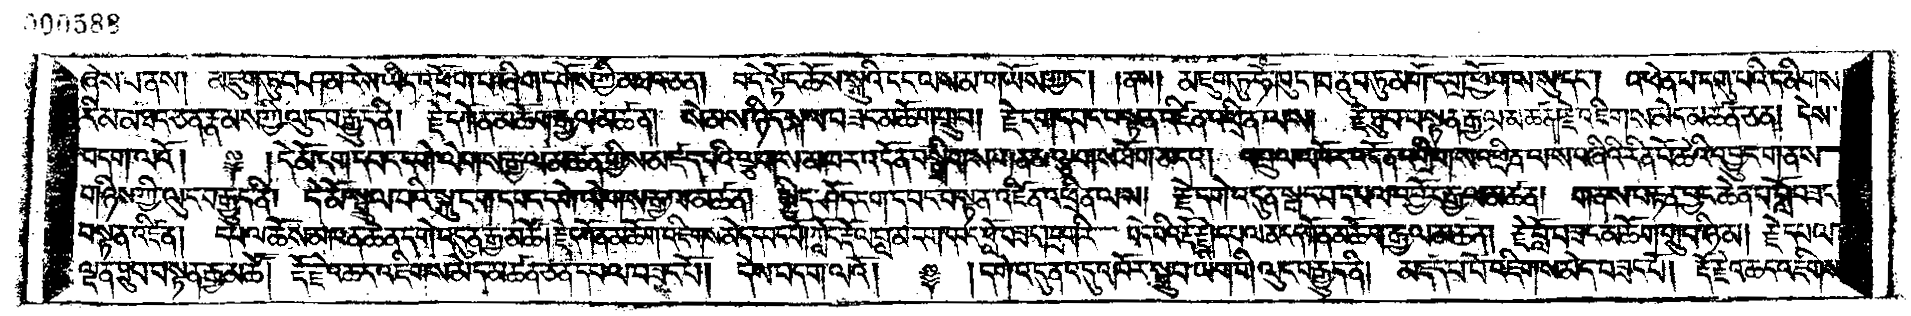ཞེས་པ་ནས། མཇུག་ཏུ་བཤམ་རེས་ཡིད་འཕྲོག་པ་ཞིག་དགོས་ཀྱི་མཐའ་ཅན། བདེ་སྟོང་ཆོས་སྐུའི་ངང་ལས་མ་གཡོས་ཀྱང་། །ནས། མཇུག་ཏུ་ཧོཾ་ཁུང་ཁ་ནུབ་ཏུ་མགོ་དགྲ་ཕྱོགས་སུ་དང་། འཕེན་པ་དགུ་པའི་དམིགས་
རིམ་མཐའ་ཅན་རྣམས་ཀྱི་ལུང་བརྒྱུད་ནི། རྗེ་དཀོན་མཆོག་རྒྱལ་མཚན། སེམས་ཉིད་སྐལ་བཟང་མཆོག་གྲུབ། རྗེ་ངག་དབང་བསྟན་འཛིན་འཕྲིན་ལས། རྗེ་ཐུབ་བསྟན་རྒྱལ་མཚན། རྗེ་འཇིགས་མེད་མཚན་ཅན། དེས་
བདག་ལའོ། ༈ །དེ་མོ་ངག་དབང་དགེ་ལེགས་རྒྱལ་མཚན་གྱིས་མཛད་པའི་ལྕགས་མཁར་འདོན་བསྒྲིགས་གནམ་ལྕགས་ཐོག་མདའ། འཁྲུལ་འཁོར་འདོན་འགྲིགས་འཕྲིན་ལས་བཞིའི་རིན་པོ་ཆེའི་འབྱུང་གནས་
གཉིས་ཀྱི་ལུང་བརྒྱུད་ནི། དེ་མོ་སྤྲུལ་བའི་སྐུ་ངག་དབང་དགེ་ལེགས་རྒྱལ་མཚན། སྐྱིད་ཤོད་ངག་དབང་བསྟན་འཛིན་འཕྲིན་ལས། རྗེ་དགེ་འདུན་སྒང་བ་དཔལ་འབྱོར་རྒྱལ་མཚན། གནས་བརྟན་བྱང་ཆེན་པ་བློ་བཟང་
བསྟན་འཛིན། དཔལ་ཆོས་མཁན་ཆེན་དགེ་འདུན་རྒྱ་མཚོ། རྗེ་དཀོན་མཆོག་འཇིགས་མེད་དབང་པོ། ཀློང་རྡོལ་བླ་མ་ངང་དབང་བློ་བཟང་ཁྲག་རི་བདེ་བའི་རྡོ་རྗེ། དཔལ་མང་དཀོན་མཆོག་རྒྱལ་མཚན། རྗེ་བློ་བཟང་མཆོག་གྲུབ་ཉི་མ། རྗེ་དཔལ་
ལྡན་ཐུབ་བསྟན་རྒྱ་མཚོ། རྡོ་རྗེ་འཆང་འཇིགས་མེད་མཚན་ཅན་དཔལ་བཟང་པོ། དེས་བདག་ལའོ། ༈ །དགེ་འདུན་འདུ་འཁོར་སྒྲུབ་ཡིག་གི་ལུང་བརྒྱུད་ནི། མཛད་པ་བོ་འཇིགས་མེད་བཟང་པོ། རྡོ་རྗེ་འཆང་འཇིགས་